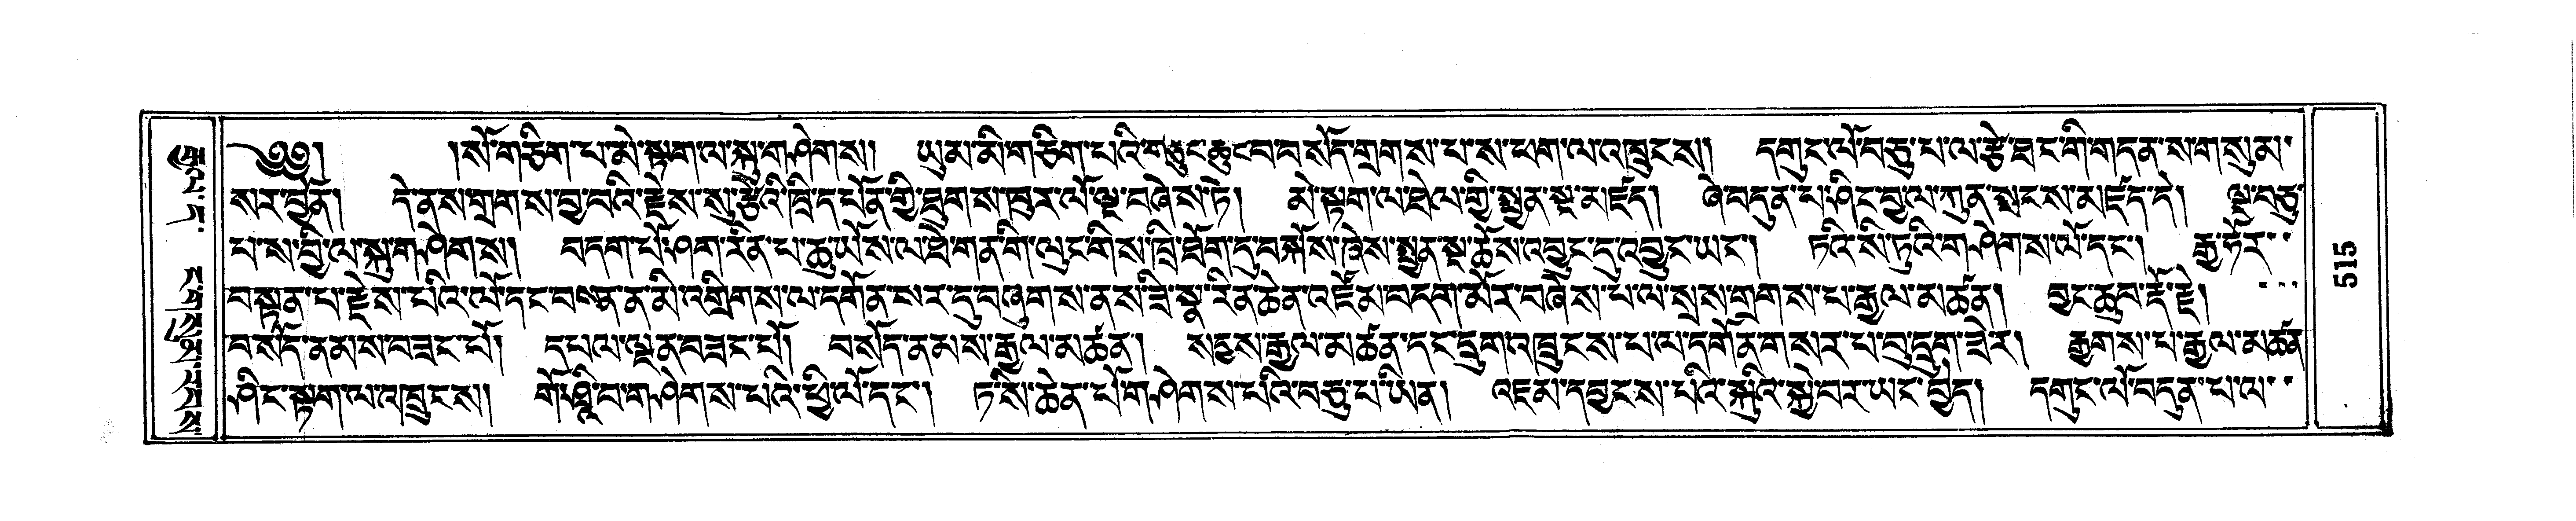༄༅། །སོ་གཅིག་པ་མེ་སྟག་ལ་སྐུ་གཤེགས། ཡུམ་མི་གཅིག་པའི་གཅུང་ཆུང་བ་བསོད་གྲགས་པ་ས་ཕག་ལ་འཁྲུངས། དགུང་ལོ་བཅུ་པ་ལ་རྩེ་ཐང་གི་གདན་ས་གསུམ་
སར་བྱོན། དེ་ནས་གྲགས་བྱ་བའི་རྗེས་སུ་རྩེའི་ཁྲི་དཔོན་གྱི་ཐུགས་ཁུར་ལོ་ལྔ་བཞེས་ཏེ། མེ་སྟག་ལ་ཐེལ་གྱི་སྤྱན་སྔ་མཛད། ཞེ་བདུན་པ་ཤིང་བྱ་ལ་ཀུན་སྤངས་མཛད་དེ། ལྔ་བཅུ་
པ་ས་བྱི་ལ་སྐུ་གཤེགས། བདག་པོ་ཤག་རིན་པོ་ཆུ་ཡོས་ལ་ཐེ་གན་གི་ལུང་གིས་ཁྲི་ཐོག་དུ་བསྐོས་ཞེས་སྤྱན་སྔ་ཆོས་འབྱུང་དུ་འབྱུང་ཡང་། ཏའི་སི་ཏུའི་གཤེགས་ལོ་དང་། རྒྱ་ཧོར་
བསྟན་པ་རྗེས་པའི་ལོ་དང་བསན་ན་མི་འགྲིགས་ལ་དགོན་སར་དུ་བཞུགས་ནས་ཟི་སྣ་རིན་ཆེན་འཛོམ་བདག་མོར་བཞེས་པ་ལ་སྲས་གྲགས་པ་རྒྱལ་མཚན། བྱང་ཆུབ་རྡོ་རྗེ།
བསོད་ནམས་བཟང་པོ། དཔལ་ལྡན་བཟང་པོ། བསོད་ནམས་རྒྱལ་མཚན། སངས་རྒྱས་རྒྱལ་མཚན་དང་དྲུག་འཁྲུངས་པ་ལ་དགོང་སར་པ་བུ་དྲུག་ཟེར། རྒྱགས་པ་རྒྱལ་མཚན་
ཤིང་སྟག་ལ་འཁྲུངས། གོ་ཤྲཱི་བ་གཤེགས་པའི་ཕྱི་ལོ་དང་། ཏ་སི་ཆེན་པོ་གཤེགས་པའི་བཅུ་པ་ཡིན། འཇམ་དབྱངས་པའི་སྐུའི་སྐྱེ་བར་ཡང་བྱེད། དགུང་ལོ་བདུན་པ་ལ་